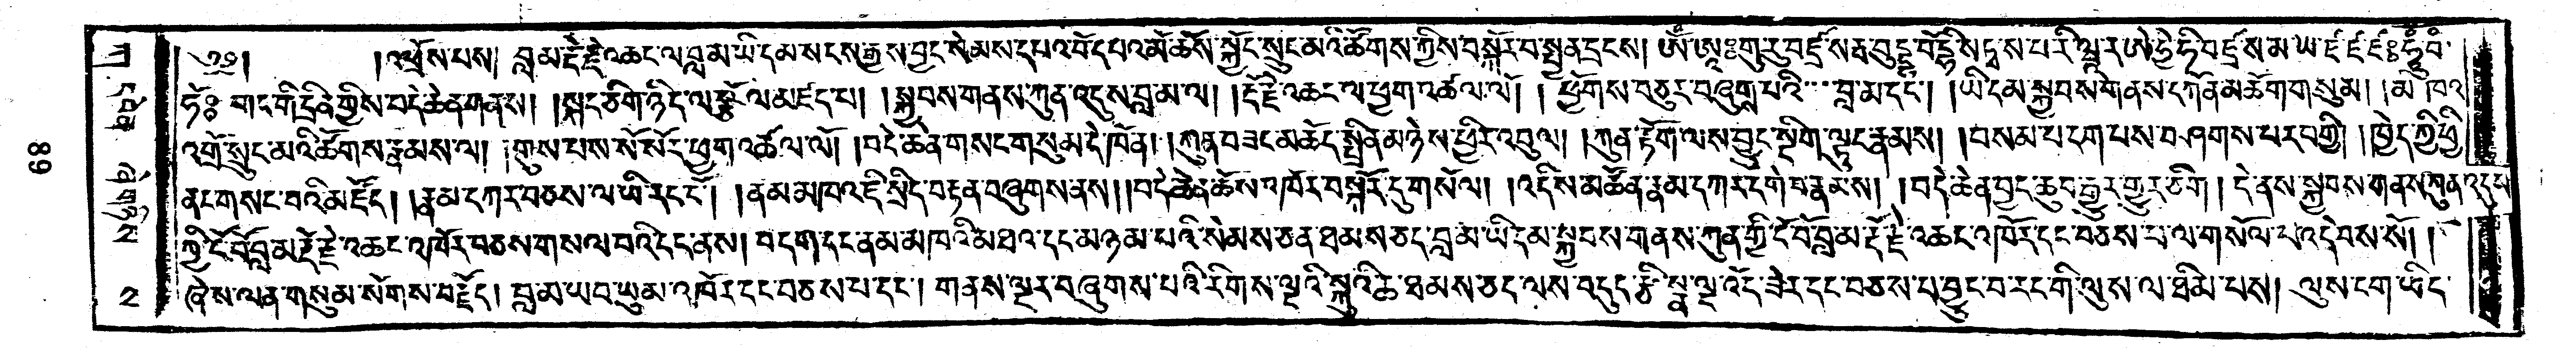༄༅། །འཕྲོས་པས། བླ་མ་རྡོ་རྗེ་འཆང་ལ་བླ་མ་ཡི་དམ་སངས་རྒྱས་བྱང་སེམས་དཔའ་བོ་དཔའ་མོ་ཆོས་སྐྱོང་སྲུང་མའི་ཚོགས་ཀྱིས་བསྐོར་བ་སྤྱན་དྲངས། ཨོཾ་ཨཱཿ གུ་རུ་བཛྲ་སརྦ་བུདྡྷ་བོ་དྷི་སཏྭ་ས་པ་རི་ཝཱ་ར་ཨེ་ཧྱེ་ཧི་བཛྲ་ས་མ་ཡ་ཛ་ཛ་ཛཿ ཧཱུཾ་བཾ་
ཧོཿ གང་གི་དྲིན་གྱིས་བདེ་ཆེན་གནས། །སྐད་ཅིག་ཉིད་ལ་རྩོལ་མཛད་པ། །སྐྱབས་གནས་ཀུན་འདུས་བླ་མ་ལ། །རྡོ་རྗེ་འཆང་ལ་ཕྱག་འཚལ་ལོ། །ཕྱོགས་བཅུར་བཞུགས་པའི་བླ་མ་དང་། །ཡི་དམ་སྐྱབས་གནས་དཀོན་མཆོག་གསུམ། །མཁའ་
འགྲོ་སྲུང་མའི་ཚོགས་རྣམས་ལ། །གུས་པས་སོ་སོར་ཕྱག་འཚལ་ལོ། །བདེ་ཆེན་གསང་གསུམ་དེ་ཁོ་ན། །ཀུན་བཟང་མཆོད་སྤྲིན་མཉེས་ཕྱིར་འབུལ། །ཀུན་རྟོག་ལས་བྱུང་སྡིག་ལྟུང་རྣམས། །བསམ་པ་དག་པས་བཤགས་པར་བགྱི། །ཁྱེད་ཀྱི་ཕྱི་
ནང་གསང་བའི་མཛོད། །རྣམ་དཀར་བཅས་ལ་ཡི་རང་ངོ། །ནམ་མཁའ་ཇི་སྲིད་བརྟན་བཞུགས་ནས། །བདེ་ཆེན་ཆོས་འཁོར་བསྐོར་དུ་གསོལ། །འདིས་མཚོན་རྣམ་དཀར་དགེ་བ་རྣམས། །བདེ་ཆེན་བྱང་ཆུབ་རྒྱུར་གྱུར་ཅིག། དེ་ནས་སྐྱབས་གནས་ཀུན་འདུས་
ཀྱི་ངོ་བོ་བླ་མ་རྡོ་རྗེ་འཆང་འཁོར་བཅས་གསལ་བའི་ངང་ནས། བདག་དང་ནམ་མཁའི་མཐའ་དང་མཉམ་པའི་སེམས་ཅན་ཐམས་ཅད་བླ་མ་ཡི་དམ་སྐྱབས་གནས་ཀུན་གྱི་ངོ་བོ་བླ་མ་རྡོ་རྗེ་འཆང་འཁོར་དང་བཅས་པ་ལ་གསོལ་བ་འདེབས་སོ། །
ཞེས་ལན་གསུམ་སོགས་བརྗོད། བླ་མ་ཡབ་ཡུམ་འཁོར་དང་བཅས་པ་དང་། གནས་ལྔར་བཞུགས་པའི་རིགས་ལྔའི་སྐུའི་ཆ་ཐམས་ཅད་ལས་བདུད་རྩི་སྣ་ལྔ་འོད་ཟེར་དང་བཅས་པ་བྱུང་བ་རང་གི་ལུས་ལ་ཐིམ་པས། ལུས་ངག་ཡིད་